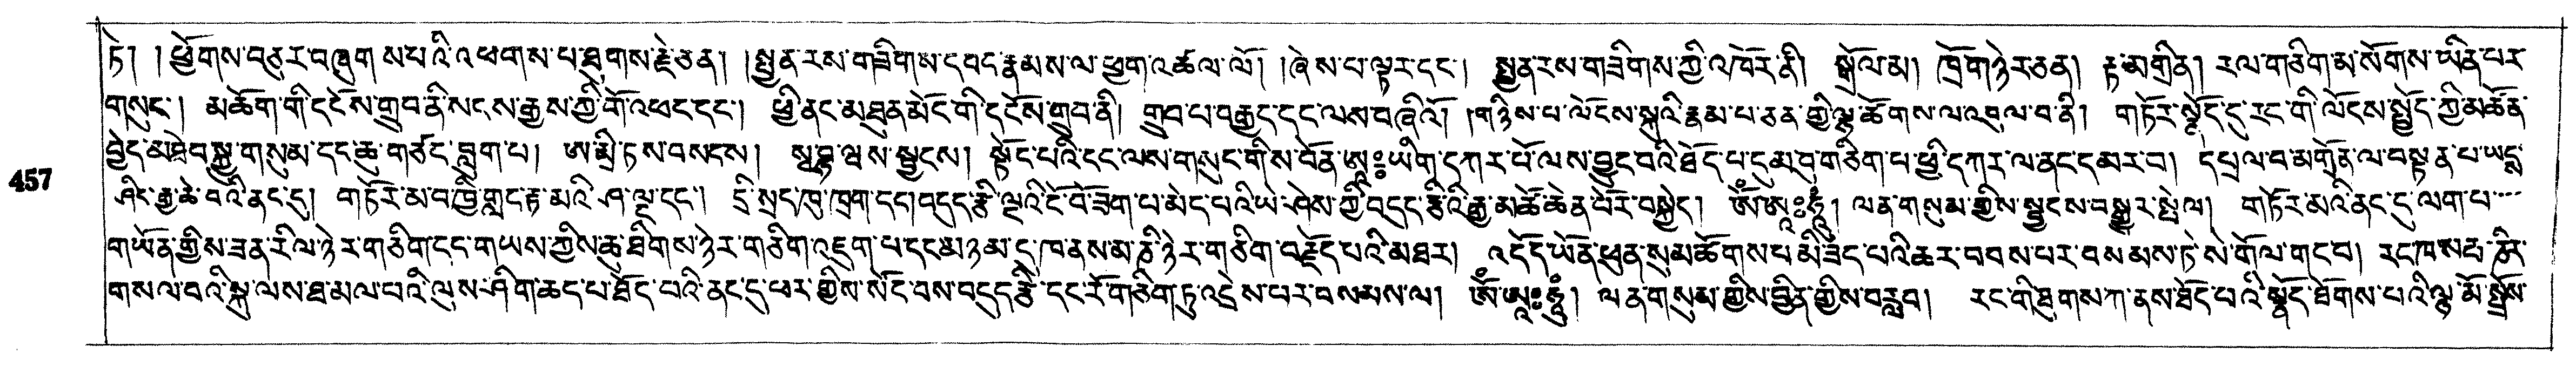ཏེ། །ཕྱོགས་བཅུར་བཞུགས་པའི་འཕགས་པ་ཐུགས་རྗེ་ཅན། །སྤྱན་རས་གཟིགས་དབང་རྣམས་ལ་ཕྱག་འཚལ་ལོ། །ཞེས་པ་ལྟར་དང་། སྤྱན་རས་གཟིགས་ཀྱི་འཁོར་ནི། སྒྲོལ་མ། ཁྲོ་གཉེར་ཅན། རྟ་མགྲིན། རལ་གཅིག་མ་སོགས་ཡིན་པར་
གསུང་། མཆོག་གི་དངོས་གྲུབ་ནི་སངས་རྒྱས་ཀྱི་གོ་འཕང་དང་། ཕྱི་ནང་མཐུན་མོང་གི་དངོས་གྲུབ་ནི། གྲུབ་པ་བརྒྱད་དང་ལས་བཞིའོ། ། གཉིས་པ་ལོངས་སྐུའི་རྣམ་པ་ཅན་གྱི་ལྷ་ཚོགས་ལ་འབུལ་བ་ནི། གཏོར་སྣོད་དུ་རང་གི་ལོངས་སྤྱོད་ཀྱི་མཚོན་
བྱེད་མཐེབ་སྐྱུ་གསུམ་དང་ཆུ་གཙང་བླུག་པ། ཨ་མྲི་ཏས་བསངས། སྭ་བྷ་ཝས་སྦྱངས། སྟོང་པའི་ངང་ལས་གསུང་གི་ས་བོན་ཨཱཿ ཡིག་དཀར་པོ་ལས་བྱུང་བའི་ཐོད་པ་དུམ་བུ་གཅིག་པ་ཕྱི་དཀར་ལ་ནང་དམར་བ། དཔྲལ་བ་མགྲོན་ལ་བསྟན་པ་ཡངས་
ཤིང་རྒྱ་ཆེ་བའི་ནང་དུ། གཏོར་མ་བ་ཁྱི་གླང་རྟ་མའི་ཤ་ལྔ་དང་། དྲི་སྲང་ཁུ་ཁྲག་དང་། བདུད་རྩི་ལྔའི་ངོ་བོ་ཟག་པ་མེད་པའི་ཡེ་ཤེས་ཀྱི་བདུད་རྩིའི་རྒྱ་མཚོ་ཆེན་པོར་བསྐྱེད། ཨོཾ་ཨཱཿ ཧཱུཾ། ལན་གསུམ་གྱིས་སྦྱངས་བསྒྱུར་སྤེལ། གཏོར་མའི་ནང་དུ་ལག་པ་
གཡོན་གྱིས་ཟན་རིལ་ཉེར་གཅིག་དང་གཡས་ཀྱིས་ཆུ་ཐིགས་ཉེར་གཅིག་འཇུག་པ་དང་མཉམ་དུ་ཁ་ནས་མ་ཎི་ཉེར་གཅིག་བརྗོད་པའི་མཐར། འདོད་ཡོན་ཕུན་སུམ་ཚོགས་པ་མི་ཟད་པའི་ཆར་བབས་པར་བསམས་ཏེ་སེ་གོལ་གང་བ། རང་ཁ་སརྦ་ཎིར་
གསལ་བའི་སྐུ་ལས་ཐ་མལ་པའི་ལུས་ཤིག་ཆད་པ་ཐོད་པའི་ནང་དུ་ཕར་གྱིས་སོང་བས་བདུད་རྩི་དང་རོ་གཅིག་ཏུ་འདྲེས་པར་བསམས་ལ། ཨོཾ་ཨཱཿ ཧཱུཾ། ལན་གསུམ་གྱིས་བྱིན་གྱིས་བརླབ། རང་གི་ཐུགས་ཀ་ནས་ཐོད་པའི་སྣོད་ཐོགས་པའི་ལྷ་མོ་སྤྲོས་